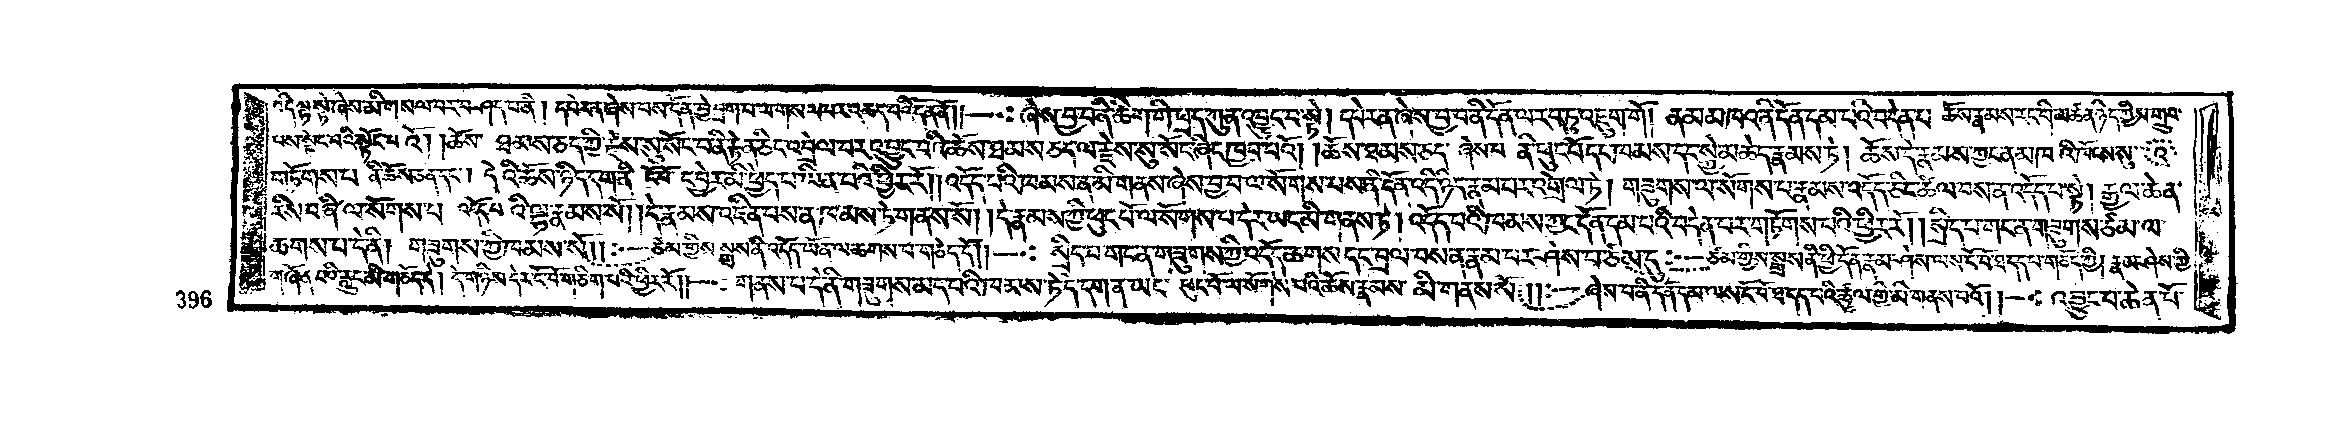འདི་ལྟ་སྟེ་ཞེས་མི་གསལ་བར་བཤད་པ་ནི། དཔེར་ན་ཞེས་པས་དོན་བྱེ་བྲག་པ་ལ་གསལ་བར་འཆད་པའི་དོན་ནོ།། .H ཞེས་བྱ་བ་ནི་ཚིག་གི་ཕྲད་ཀུན་འབྱུང་བ་སྟེ། དཔེར་ན་ཞེས་བྱ་བ་ནི་དོན་ལ་རབ་ཏུ་འཇུག་གོ །ནམ་མཁའ་ནི་དོན་དམ་པའི་བདེན་པ་ཆོས་རྣམས་རང་གི་མཚན་ཉིད་ཀྱིས་གྲུབ་
པས་སྟོང་པའི་སྟོང་པའོ། །ཆོས་ཐམས་ཅད་ཀྱི་རྗེས་སུ་སོང་བ་ནི་རྟེན་ཅིང་འབྲེལ་བར་འབྱུང་བའི་ཆོས་ཐམས་ཅད་ལ་རྗེས་སུ་སོང་ཞིང་ཁྱབ་པའོ། །ཆོས་ཐམས་ཅད་ཞེས་པ་ནི་ཕུང་པོ་དང་ཁམས་དང་སྐྱེ་མཆེད་རྣམས་ཏེ། ཆོས་དེ་རྣམས་ཀྱང་ནམ་མཁའི་ཁོངས་སུ
གཏོགས་པ་ནི་ཆོས་ཅན་དང་། དེའི་ཆོས་ཉིད་དག་ནི་ངོ་བོ་དབྱེར་མི་ཕྱེད་པ་ཡིན་པའི་ཕྱིར་རོ། །འདོད་པའི་ཁམས་ན་མི་གནས་ཞེས་བྱ་བ་ལ་སོགས་པས་ནི་དོན་འདི་ཉིད་རྣམ་པར་འགྲེལ་ཏེ། གཟུགས་ལ་སོགས་པ་རྣམས་འདོད་ཅིང་ཚོལ་བས་ན་འདོད་པ་སྟེ། རྒྱལ་ཆེན་
རིས་བཞི་ལ་སོགས་པ་འདོད་པའི་ལྷ་རྣམས་སོ། །དེ་རྣམས་འཛིན་པས་ན་ཁམས་ཏེ་གནས་སོ། །དེ་རྣམས་ཀྱི་ཕུང་པོ་ལ་སོགས་པ་དེར་ཡང་མི་གནས་ཏེ། འདོད་པའི་ཁམས་ཀྱང་དོན་དམ་པའི་བདེན་པར་གཏོགས་པའི་ཕྱིར་རོ། །སྲིད་པ་གང་ན་གཟུགས་ཙམ་ལ་
ཆགས་པ་དེ་ནི། གཟུགས་ཀྱི་ཁམས་སོ།། H.་ཙམ་གྱིས་སྒྲས་ནི་འདོད་ཡོན་ལ་ཆགས་པ་གཅོད་དོ།།  .H སྲིད་པ་གང་ན་གཟུགས་ཀྱི་འདོད་ཆགས་དང་བྲལ་བས་ན་རྣམ་པར་ཤེས་པ་ཙམ་དུ་H.་ཙམ་གྱིས་སྒྲས་ནི་ཕྱི་དོན་རྣམ་ཤེས་ལས་ངོ་བོ་ཐ་དད་པ་གཅོད་ཀྱི། རྣམ་ཤེས་ཀྱི་
གཞོན་པའི་རླུང་མི་གཅོད་དེ། དེ་གཉིས་དེར་ངོ་བོ་གཅིག་པའི་ཕྱིར་རོ།། .H གནས་པ་དེ་ནི་གཟུགས་མེད་པའི་ཁམས་ཏེ་དེ་དག་ན་ཡང་ཕུང་པོ་ལ་སོགས་པའི་ཆོས་རྣམས་མི་གནས་སོ།། H.་ཞེས་པ་ནི་དོན་དམ་ལས་ངོ་བོ་ཐ་དད་པའི་ཚུལ་གྱི་མི་གནས་པའོ།།  .H འབྱུང་བ་ཆེན་པོ་